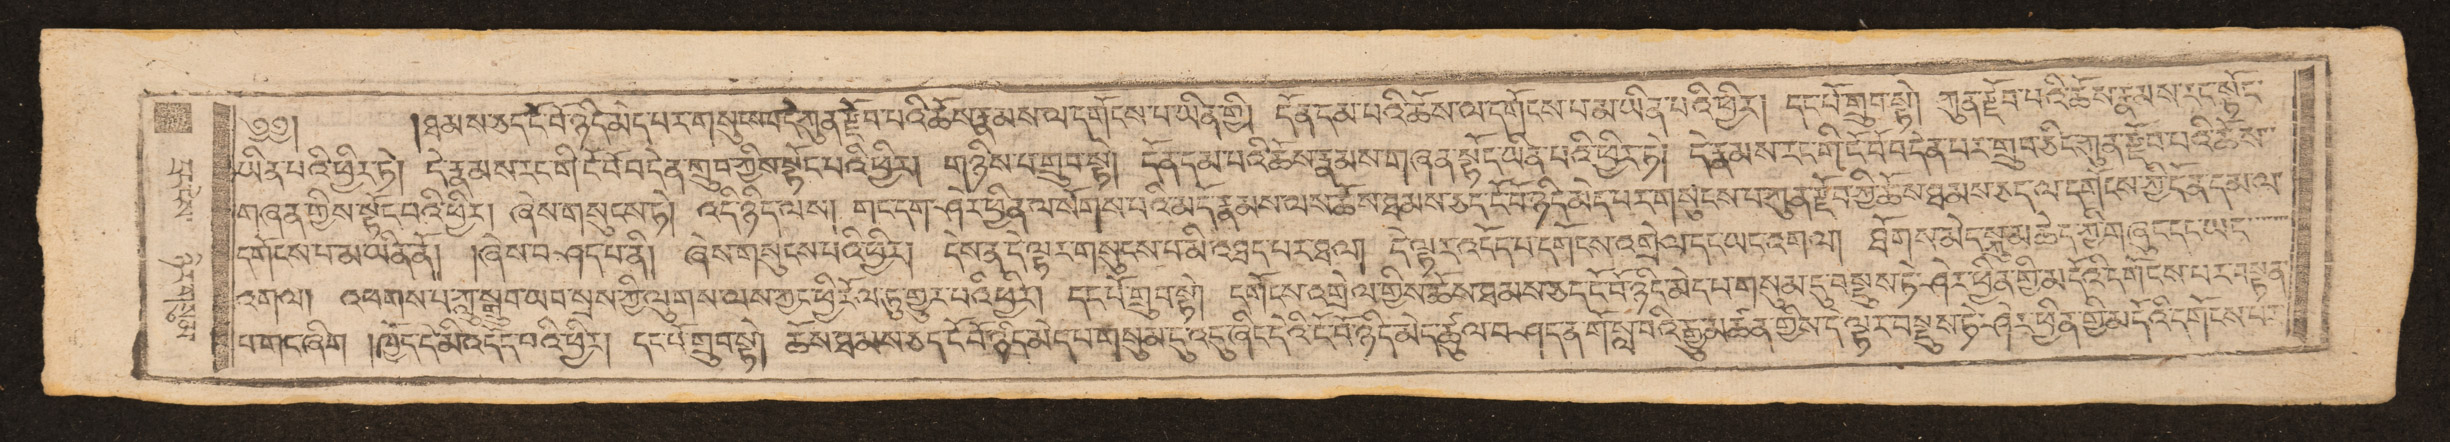༄༅། །ཐམས་ཅད་ངོ་བོ་ཉིད་མེད་པར་གསུངས་བདེ་ཀུན་རྫོབ་པའི་ཆོས་རྣམས་ལ་དགོངས་པ་ཡིན་གྱི། དོན་དམ་པའི་ཆོས་ལ་དགོངས་པ་མ་ཡིན་པའི་ཕྱིར། དང་པོ་གྲུབ་སྟེ། ཀུན་རྫོབ་པའི་ཆོས་རྣམས་རང་སྟོང་
ཡིན་པའི་ཕྱིར་ཏེ། དེ་རྣམས་རང་གི་ངོ་བོ་བདེན་གྲུབ་ཀྱིས་སྟོང་པའི་ཕྱིར། གཉིས་པ་གྲུབ་སྟེ། དོན་དམ་པའི་ཆོས་རྣམས་གཞན་སྟོང་ཡིན་པའི་ཕྱིར་ཏེ། དེ་རྣམས་རང་གི་ངོ་བོ་བདེན་པར་གྲུབ་ཅིང་ཀུན་རྫོབ་པའི་ཆོས་
གཞན་གྱིས་སྟོང་པའི་ཕྱིར། ཞེས་གསུངས་ཏེ། འདི་ཉིད་ལས། གང་དག་ཤེར་ཕྱིན་ལ་སོགས་པའི་མདོ་རྣམས་ལས་ཆོས་ཐམས་ཅད་ངོ་བོ་ཉིད་མེད་པར་གསུངས་པ་ཀུན་རྫོབ་ཀྱི་ཆོས་ཐམས་ཅད་ལ་དགོངས་ཀྱི་དོན་དམ་ལ་
དགོངས་པ་མ་ཡིན་ནོ། །ཞེས་བཤད་པ་ནི། ཞེས་གསུངས་པའི་ཕྱིར། དེས་ན་དེ་ལྟར་གསུངས་པ་མི་འཐད་པར་ཐལ། དེ་ལྟར་འདོད་པ་དགོངས་འགྲེལ་དང་ཡང་འགལ། ཐོགས་མེད་སྐུ་མཆེད་ཀྱི་གཞུང་དང་ཡང་
འགལ། འཕགས་པ་ཀླུ་སྒྲུབ་ཡབ་སྲས་ཀྱི་ལུགས་ལས་ཀྱང་ཕྱི་རོལ་ཏུ་གྱུར་པའི་ཕྱིར། དང་པོ་གྲུབ་སྟེ། དགོངས་འགྲེལ་གྱིས་ཆོས་ཐམས་ཅད་ངོ་བོ་ཉིད་མེད་པ་གསུམ་དུ་བསྡུས་ཏེ་ཤེར་ཕྱིན་གྱི་མདོའི་དགོངས་པར་བསྟན་
པ་གང་ཞིག །ཁྱོད་དེ་མི་འདོད་པའི་ཕྱིར། དང་པོ་གྲུབ་སྟེ། ཆོས་ཐམས་ཅད་ངོ་བོ་ཉིད་མེད་པ་གསུམ་དུ་འདུ་ཞིང་དེའི་ངོ་བོ་ཉིད་མེད་ཚུལ་བཤད་ན་གོ་སླ་བའི་རྒྱུ་མཚན་གྱིས་དེ་ལྟར་བསྡུས་ཏེ་ཤེར་ཕྱིན་གྱི་མདོའི་དགོངས་པར་